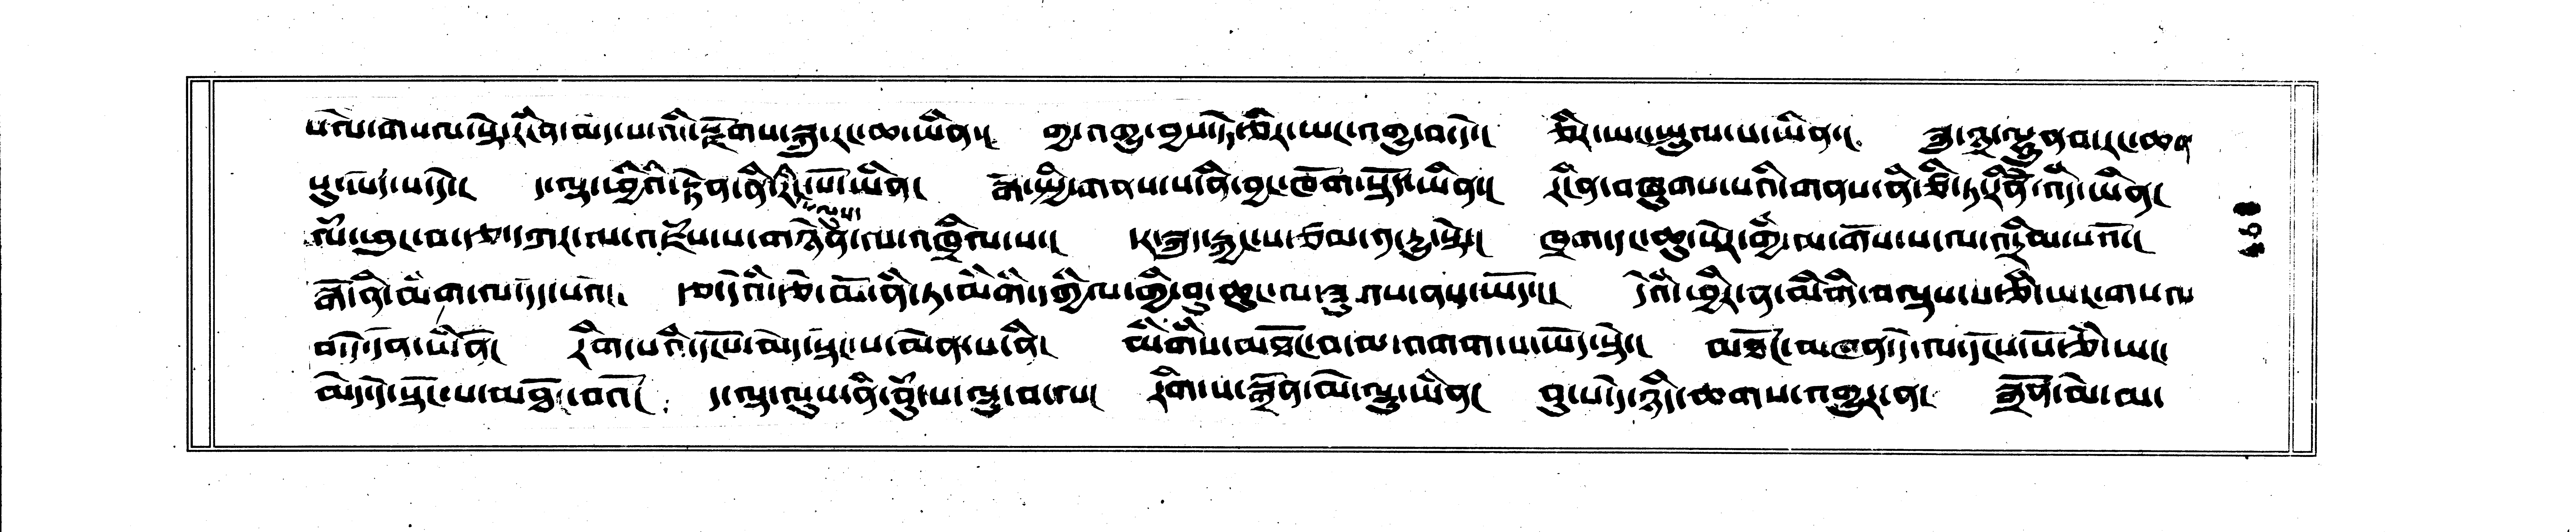སལེ་གསལ་ཏེ་རང་བཞིན་མེད་པ་དེ་རྫོགས་སྐུ་རང་ཆས་ཡིན། ཀྱུ་ཀྱུ་བྱེད་སྟེ་ཅི་ཡང་འགྱུ་བ་དེ་ སྤྲུལ་སྐུ་རང་ཆས་ཡིན། སྐུ་གསུམ་ལྷུན་གྲུབ་རང་ཆས་
སུ་ཡོད་པ་དེ། ད་ལྟ་ཕྱིའི་རྟེན་ནི་རང་གིས་ལུས་པོ་ཡིན། དགོས་ཀྱིས་གནས་ས་ནི་བྱང་ཁོག་སྟོད་ཡིན། རང་བཞིན་བཞུགས་པའི་གནས་ནི་ཙི་ཏ་རིན་པོ་ཆེ་འདི་ཡིན། 
ལམ་བྱུང་པ་ནི་རྩ་དཀར་ལ་འཇམ་པ་མཉེན་ལ་འཁྲིལ་པ། དར་སྐུད་རྐྱང་བ་ཙམ་ཅིག་རྒྱུ་སྟེ། ཁྲག་དང་ཆུ་སེར་མ་གོས་པ་ལ་འདྲིམ་པའོ། 
སྒོ་ནི་མིག་ལ་དོད་པའོ། རྩ་དེའི་རྩེ་མོ་ནི་ཡ་ཏ་མིག་གིས་དཀྱིལ་གྱིས་བུ་ཆུང་ལ་ཟུག་ནས་ཡོད་དོ། དེའི་ཕྱིར་ན་མིག་གིས་བལྟས་པ་ཅི་ཡང་གསལ་
བ་དེ་༼དེའི༽དོན་ཡིན་ནོ། རིག་པ་དངོས་མེད་སྟོང་པ་ཡིན་པས་ནི། མིག་གིས་མཐོང་བ་མ་གྷགས་(འགག)པ་ཡོད་ཏེ། མཐོང་མཁན་དེ་ལ་དངོས་པོ་ཅི་ཡང་
མེད་དེ་སྟོང་པ་མཐོང་པའོ། ད་ལྟ་ལུས་བུམ་པ་ལྟ་བུ་ལ། རིག་པ་སྒྲོན་མེ་ལྟ་བུ་ཡིན། བུམ་པ་དེ་ཉིད་ཆགས་གྱུར་ན། སྒྲོན་མེ་མ་